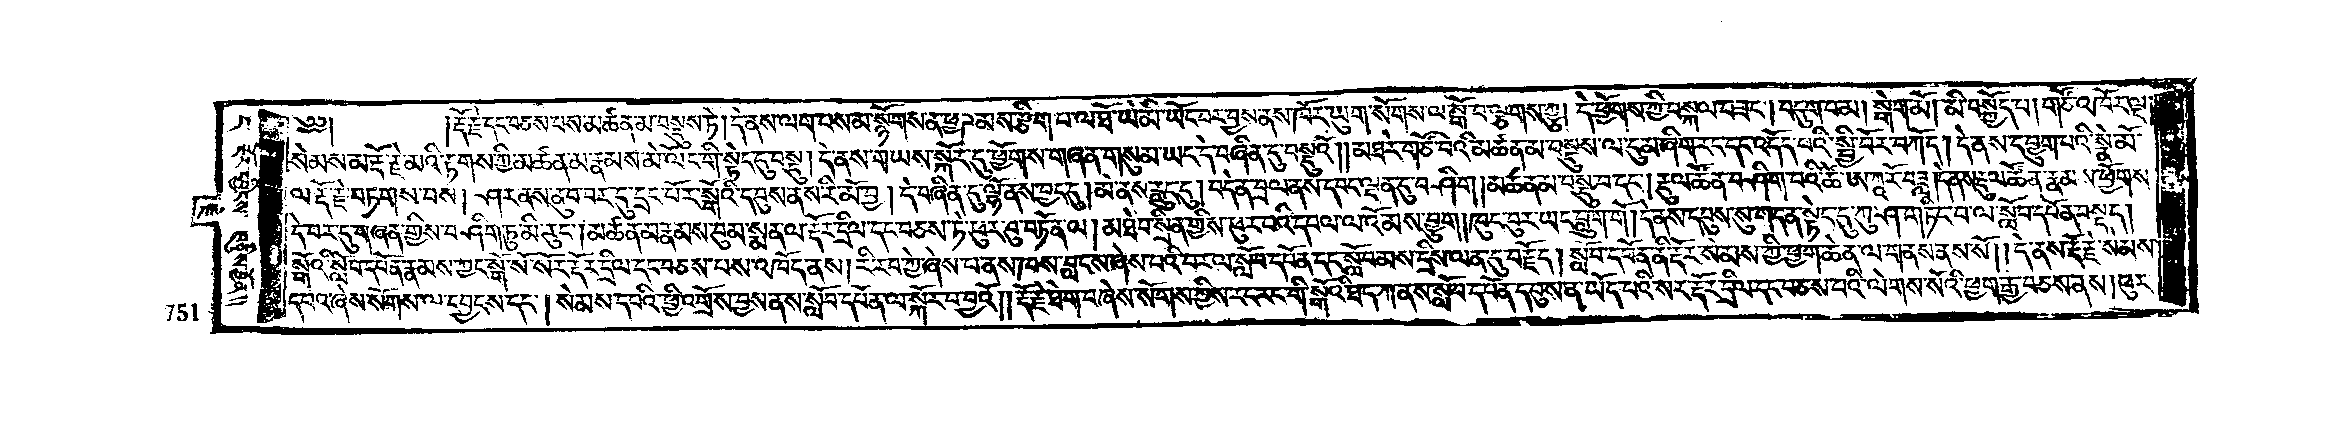༄༅། །རྡོ་རྗེ་དང་བཅས་པས་མཚན་མ་བསྡུས་ཏེ། དེ་ནས་ལག་པས་མ་སྙོགས་ན་ཕྱགས་མས་རྩིག་པ་ལ་ཐོ་ཡེ་མི་ཡོང་བར་བྱས་ནས་ཁོར་ཡུག་སོགས་ལ་སྒོ་བ་ལྕགས་ཀྱུ། དེ་ཕྱོགས་ཀྱི་བསྐལ་བཟང་། བདུག་པ་མ། སྒེག་མོ། མི་བསྐྱོད་པ། གཙོ་འཁོར་ལྔ་
སེམས་མ་རྡོ་རྗེ་མའི་རྟགས་ཀྱི་མཚན་མ་རྣམས་མེ་ལོང་གི་སྟེང་དུ་བསྡུ། དེ་ནས་གཡས་སྐོར་དུ་ཕྱོགས་གཞན་གསུམ་ཡང་དེ་བཞིན་དུ་བསྡུའོ། །མཐེར་གཙོ་བོའི་མཚན་མ་བསྡུས་ལ་དུ་མ་ཞིག་རང་དང་འདོད་པའི་སྤྱི་བོར་བཀོད། དེ་ནས་དབྱུག་པའི་སྣེ་མོ་
ལ་རྡོ་རྗེ་བཏགས་པས། ཤར་ནས་ནུབ་བར་དུ་དྲང་པོར་སྒོའི་དབུས་ནས་རི་མོ་བྱ། དེ་བཞིན་དུ་ལྷོ་ནས་བྱང་དུ། མེ་ནས་རླུང་དུ། བདེན་བྲལ་ནས་དབང་ལྡན་དུ་བཤིག །མཚན་མ་བསྡུ་བ་དང་། རྡུལ་ཚོན་བཤིག་པའི་ཚེ་ཨ་ཀཱ་རོ་བཟླ། དེ་ནས་རྡུལ་ཚོན་རྣམས་ཕྱོགས་
དེ་བར་དུ་གཞན་གྱིས་བཤིག་ཏུ་མི་རུང་། མཚན་མ་རྣམས་བུ་མ་སྨན་ལ་རྡོར་དྲིལ་དང་བཅས་ཏེ་ཕུར་བུ་བཏོན་ལ། མཐེབ་སྲིན་གྱིས་ཕུར་བའི་དཔལ་ལ་འོ་མས་བྱུག །ཁུང་བུར་ཡང་བླུག་གོ །དེ་ནས་དབུས་སུ་གདན་སྟེང་དུ་ཀུ་ཤ་གཏིང་བ་ལ་སློབ་དཔོན་བསྡད།
སྒོའི་སློབ་དཔོན་རྣམས་ཀྱང་སྒོ་སོ་སོར་རྡོར་དྲིལ་དང་བཅས་པས་འཁོད་ནས། རི་རབ་ཀྱེ་ཞེས་པ་ནས་ཁས་བླངས་ཞེས་པའི་བར་ལ་སློབ་དཔོན་དང་སློབ་མས་དྲིས་ལན་དུ་བརྗོད། སློབ་དཔོན་ནི་རྡོར་སེམས་ཀྱི་ཕྱག་ཆེན་ལ་གནས་ནས་སོ། །དེ་ནས་རྡོ་རྗེ་སེམས་
དཔའ་ཞེས་སོགས་ལ་དབྱངས་དང་། སེམས་དཔའི་ཕྱི་འགྲོས་བྱས་ནས་སློབ་དཔོན་ལ་སྐོར་བ་བྱའོ། །རྡོ་རྗེ་ཐེག་པ་ཞེས་སོགས་ཀྱིས་རང་རང་གི་སྒོའི་ཐད་ཀ་ནས་སློབ་དཔོན་དབུས་ན་ཡོད་པའི་སར་རྡོར་དྲིལ་དང་བཅས་པའི་ལེགས་སོའི་ཕྱག་རྒྱ་བཅས་ནས། ཕུར་